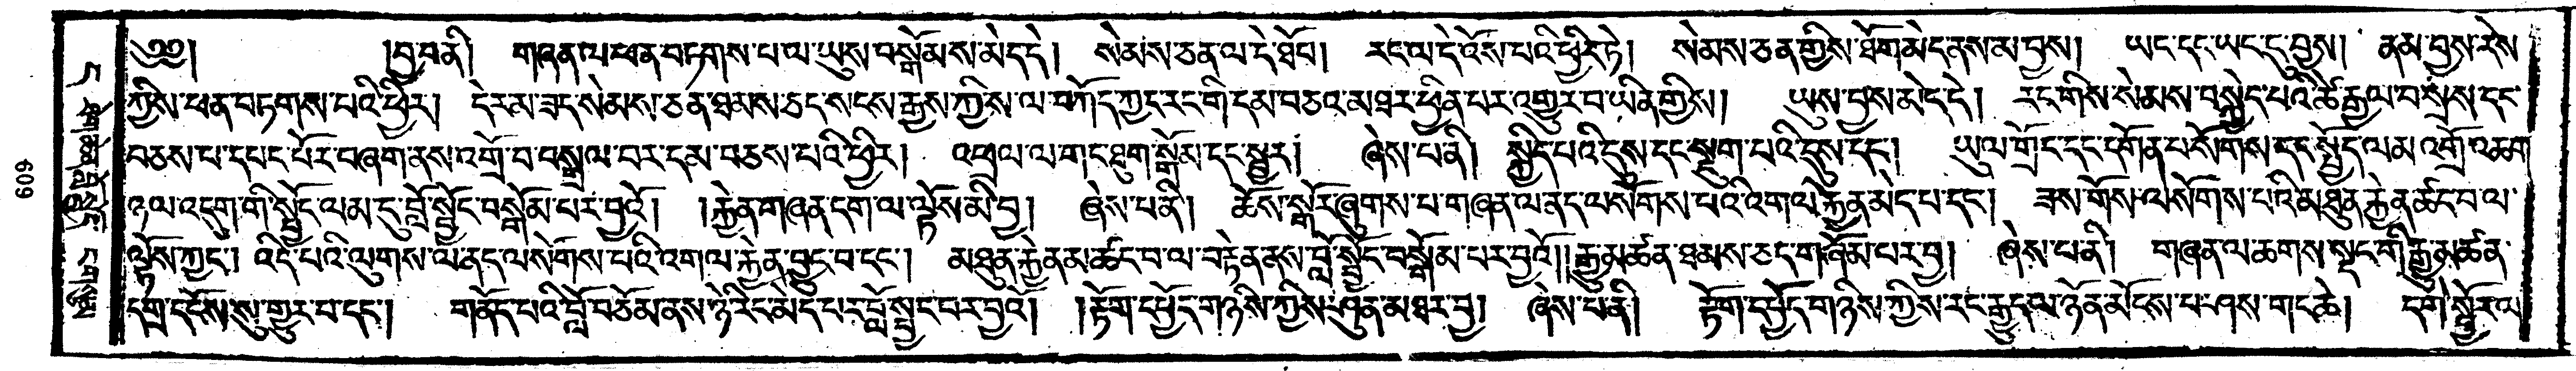༄༅། །བྱ་བ་ནི། གཞན་ལ་ཕན་བཏགས་པ་ལ་ཡུས་བསྒོམས་མེད་དེ། སེམས་ཅན་ལ་དེ་ཐོབ། རང་ལ་དེ་འོས་པའི་ཕྱིར་ཏེ། སེམས་ཅན་གྱིས་ཐོག་མེད་ནས་མ་བྱས། ཡང་དང་ཡང་དུ་བྱས། ནམ་བྱས་རེས་
ཀྱིས་ཕན་བཏགས་པའི་ཕྱིར། དེར་མ་ཟད་སེམས་ཅན་ཐམས་ཅད་སངས་རྒྱས་ཀྱི་ས་ལ་བཀོད་ཀྱང་རང་གི་དམ་བཅའ་མཐར་ཕྱིན་པར་འགྱུར་བ་ཡིན་གྱིས། ཡུས་བྱས་མེད་དེ། རང་གིས་སེམས་བསྐྱེད་པའི་ཚེ་རྒྱལ་བ་སྲས་དང་
བཅས་པ་དཔང་པོར་བཞག་ནས་འགྲོ་བ་བསྒྲལ་བར་དམ་བཅས་པའི་ཕྱིར། འཕྲལ་ལ་གང་ཐུག་སྒོམ་དང་སྦྱར། ཞེས་པ་ནི། སྐྱིད་པའི་དུས་དང་སྡུག་པའི་དུས་དང་། ཡུལ་གྲོང་དང་དགོན་པ་སོགས་དང་སྤྱོད་ལམ་འགྲོ་འཆག་
ཉལ་འདུག་གི་སྤྱོད་ལམ་དུ་བློ་སྦྱོང་བསྒོམ་པར་བྱའོ། །རྐྱེན་གཞན་དག་ལ་ལྟོས་མི་བྱ། ཞེས་པ་ནི། ཆོས་སྒོར་ཞུགས་པ་གཞན་ལ་ནད་ལ་སོགས་པའི་འགལ་རྐྱེན་མེད་པ་དང་། ཟས་གོས་ལ་སོགས་པའི་མཐུན་རྐྱེན་ཚང་བ་ལ་
ལྟོས་ཀྱང་། འདི་པའི་ལུགས་ལ་ནད་ལ་སོགས་པའི་འགལ་རྐྱེན་འབྱུང་བ་དང་། མཐུན་རྐྱེན་མ་ཚང་བ་ལ་བརྟེན་ནས་བློ་སྦྱོང་བསྒོམ་པར་བྱའོ། །རྒྱུ་མཚན་ཐམས་ཅད་གཞོམ་པར་བྱ། ཞེས་པ་ནི། གཞན་ལ་ཆགས་སྡང་གི་རྒྱུ་མཚན་
དགྲ་དངོས་སུ་གྱུར་པ་དང་། གནོད་པའི་བློ་བཅོམ་ནས་ཉེ་རིང་མེད་པར་བློ་སྦྱང་བར་བྱའོ། །རྟོག་དཔྱོད་གཉིས་ཀྱིས་ཤུན་མཐར་བྱ། ཞེས་པ་ནི། རྟོག་དཔྱོད་གཉིས་ཀྱིས་རང་རྒྱུད་ལ་ཉོན་མོངས་པ་ཤས་གང་ཆེ། དགེ་སྦྱོར་ལ་